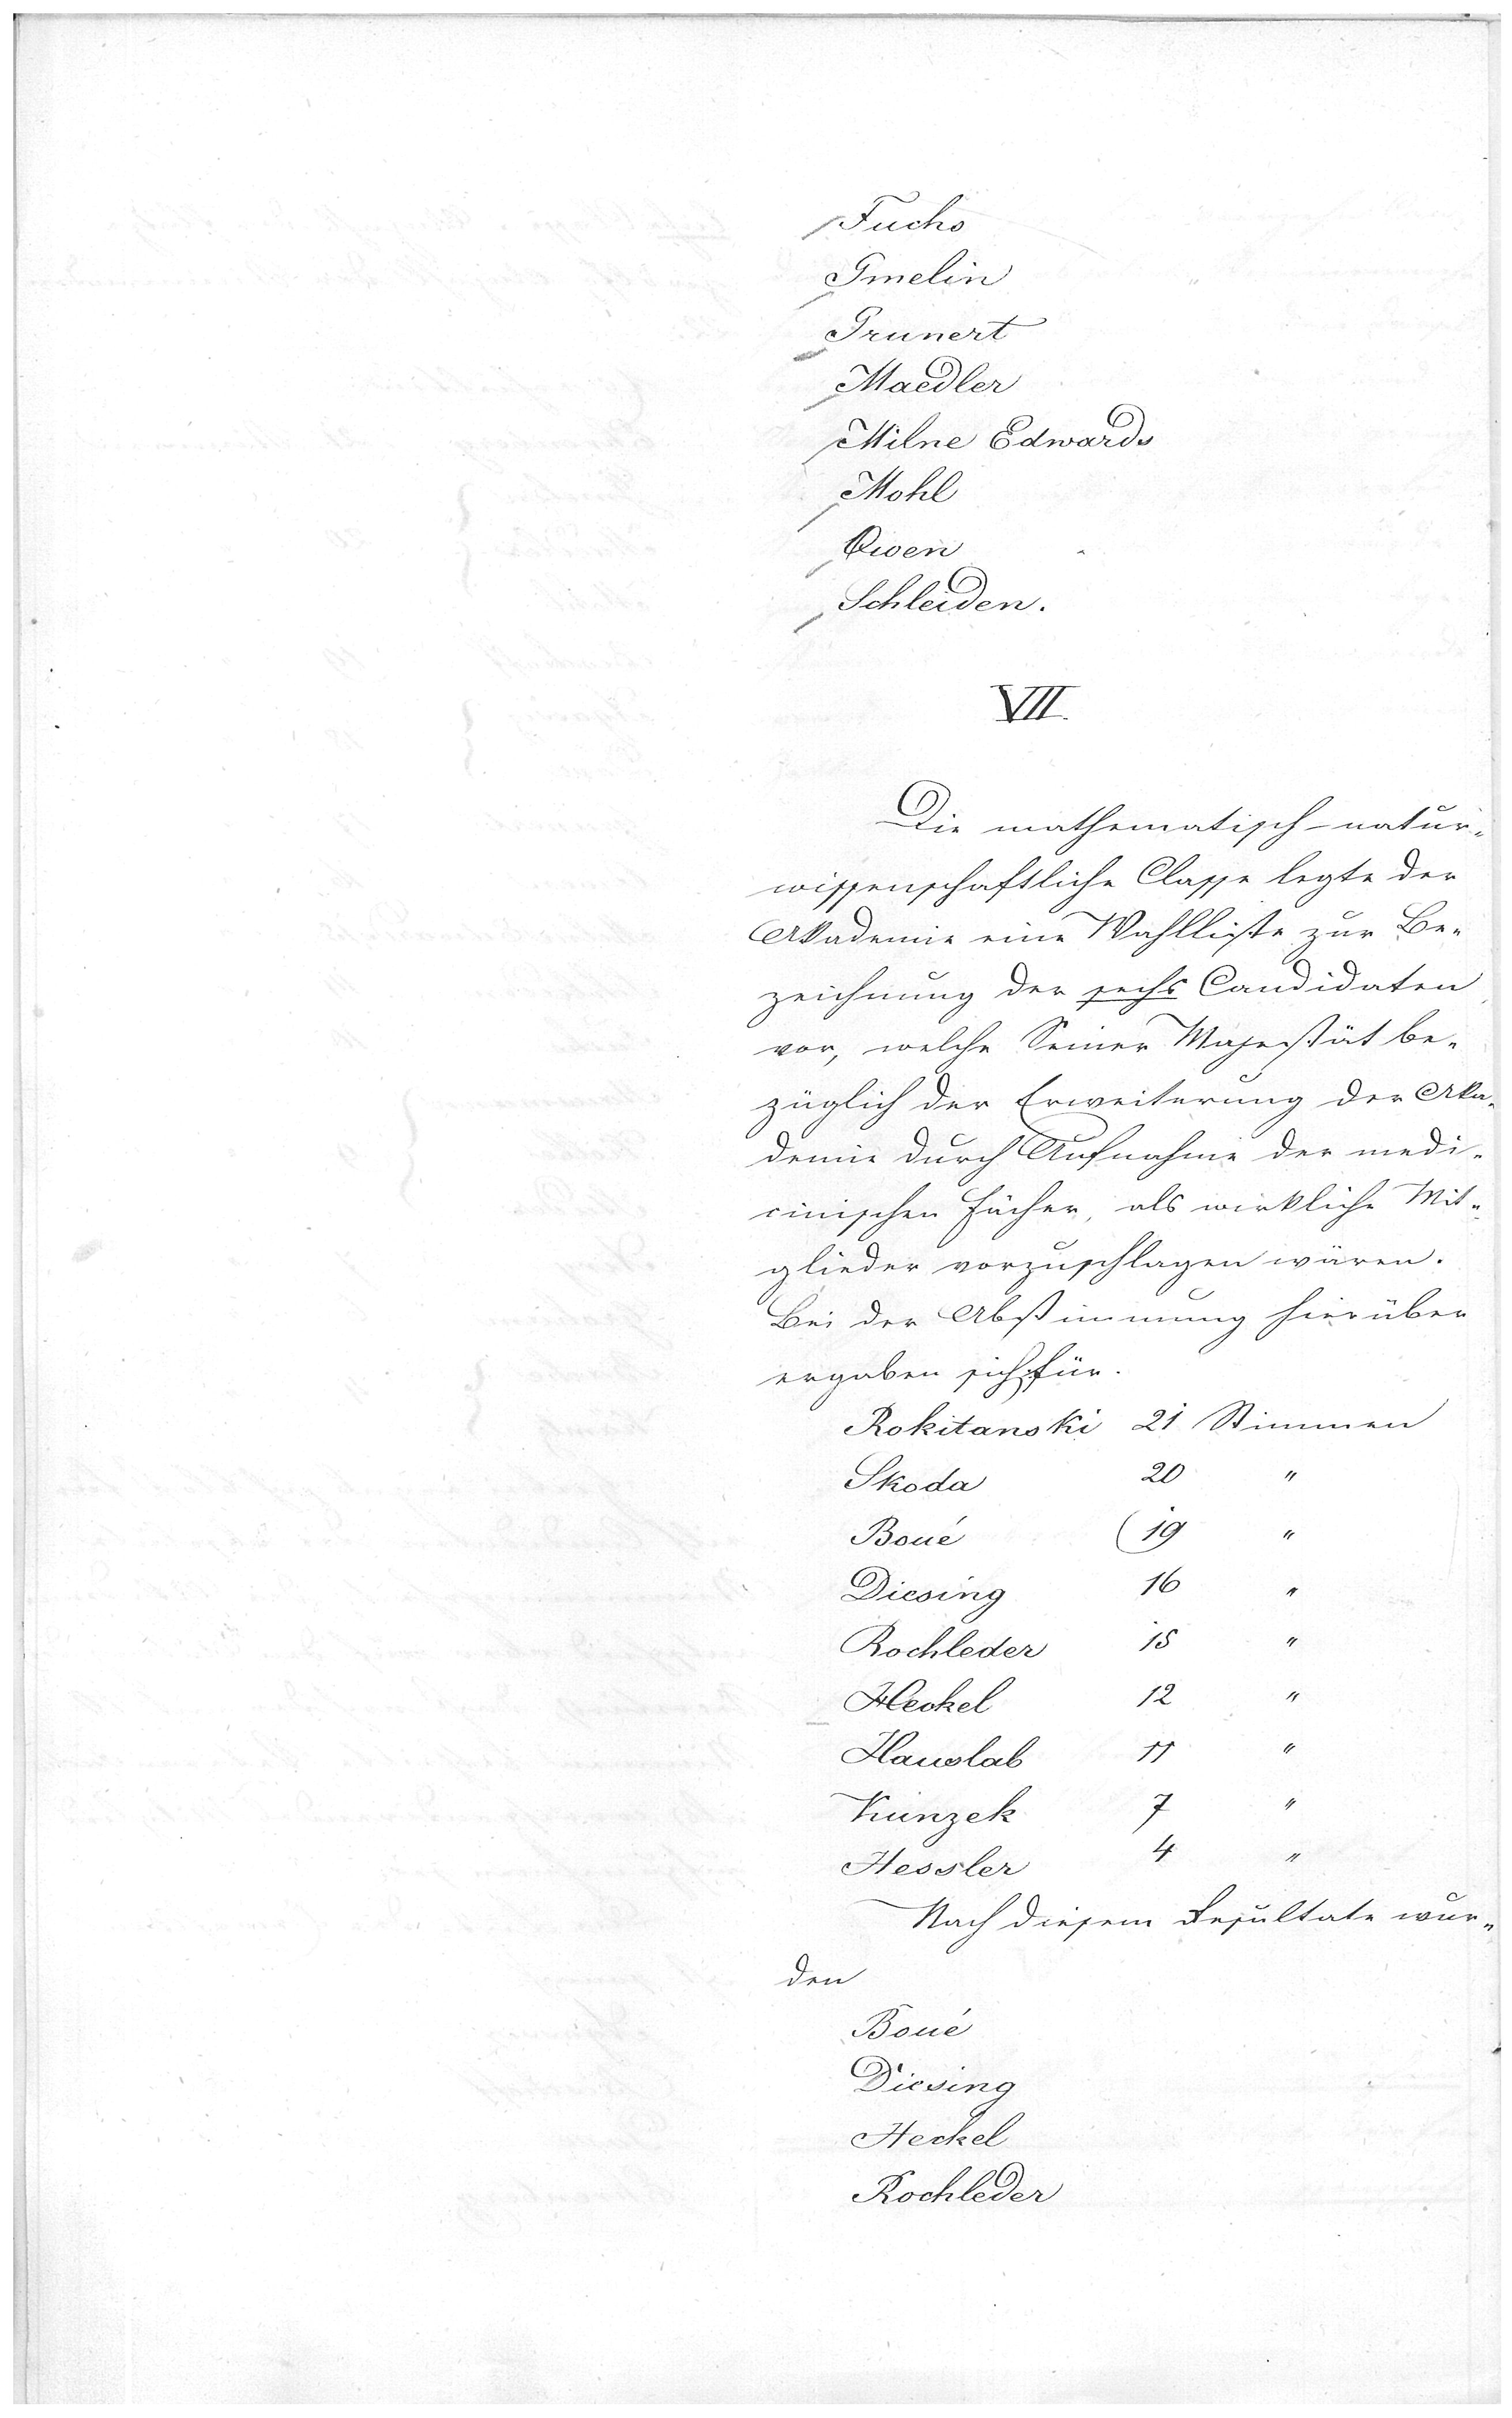Fuchs
Gmelin
Grunert
Maedler
Milne Edwards
Mohl
Owen
Schleiden
VII.
Die mathematisch- natur-
wissenschaftliche Classe legte der
Akademie eine Wahlliste zur Be-
zeichnung der sechs Candidaten
vor, welche Seiner Majestät be-
züglich der Erweiterung der Aka-
demie durch Aufnahme der medi-
cinischen Fächer, als wirkliche Mit-
glieder vorzuschlagen wären.
Bei der Abstimmung hierüber
ergaben sich für
Rokitanski 21 Stimmen
Skoda 20 "
Boué 19 "
Diesing 16 "
Rochleder 15 "
Heckel 12 "
Hauslab 11 "
Kunzek 7 "
Hessler 4 "
Nach diesen Resultat wur-
den
Boué
Diesing
Heckel
Rochleder